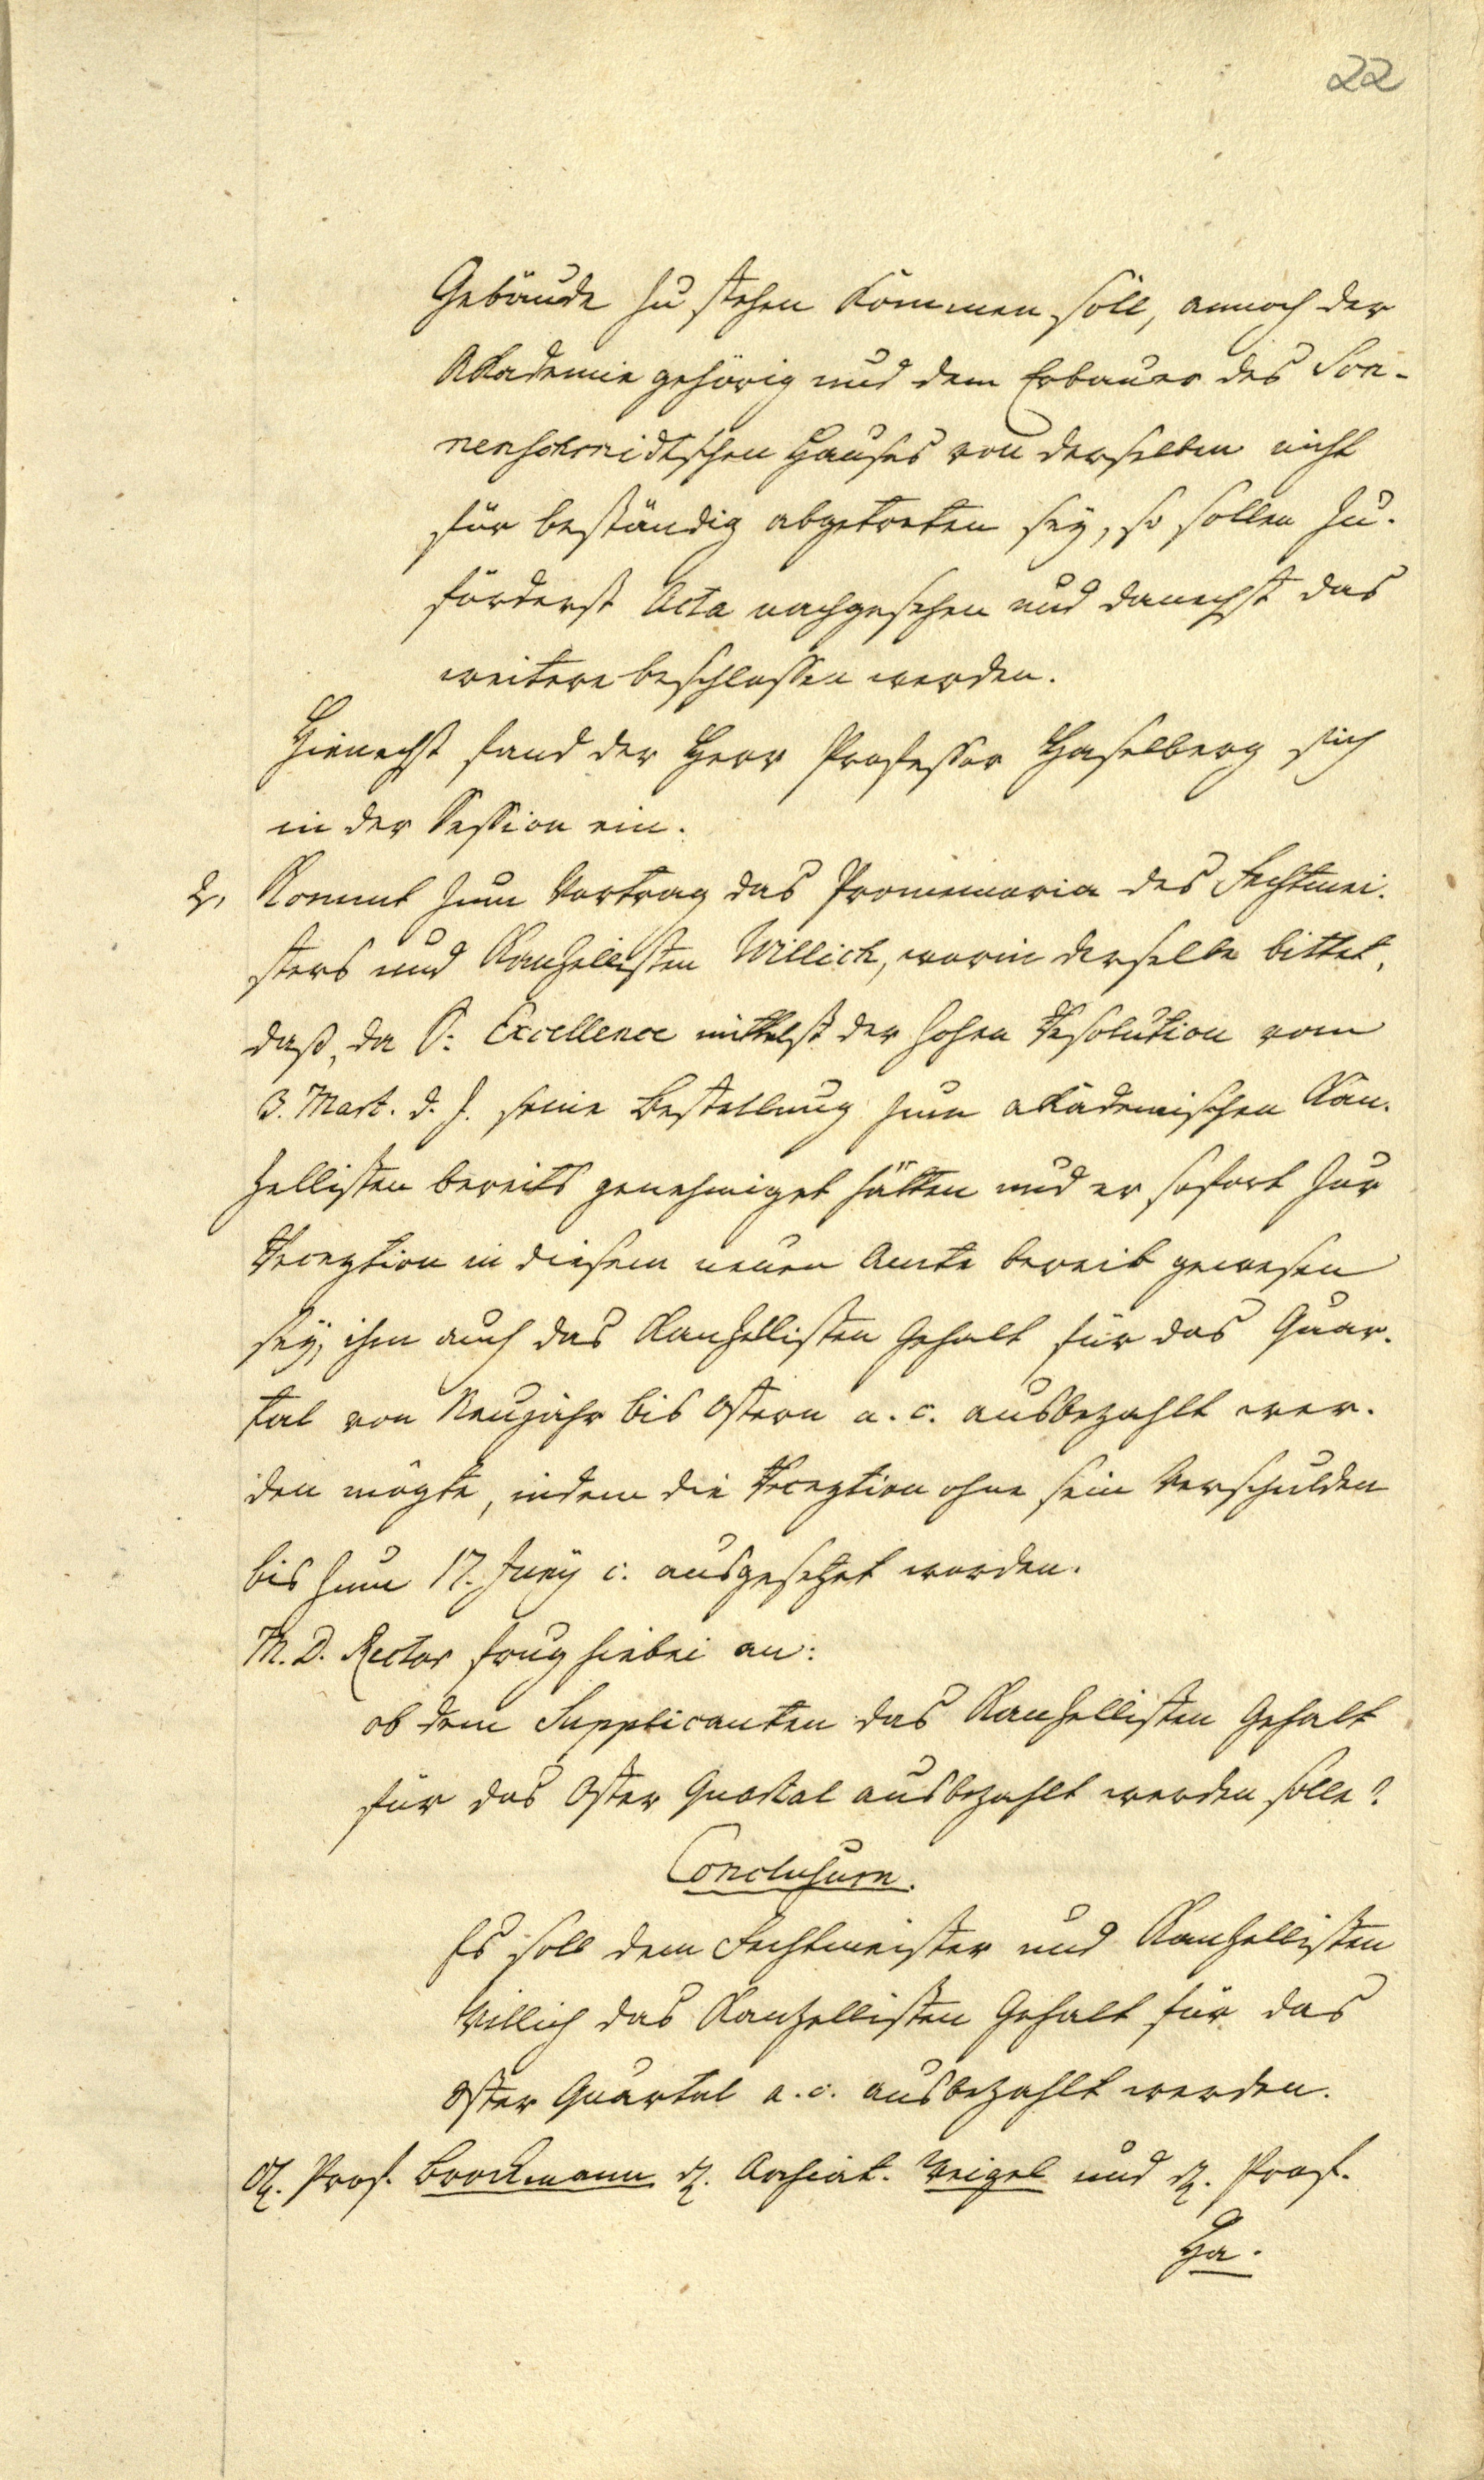Gebäude zu stehen kommen soll, annoch der
Akademie gehörig und dem Erbauer des Son¬
nenschmidtschen Hauses von derselben nicht
für beständig abgetreten seÿ, so sollen zu¬
förderst Acta nachgesehen und danechst das
weitere beschlossen werden.
Hienechst fand der Herr Professor Haselberg sich
in der Session ein.
2., Kommt zum Vortrag Promemoria des Fechtmei¬
sters und Kanzellisten Willich, worin derselbe bittet,
daß, da S. Excellence mittelst der hohen Resolution vom
3. Mart. d. J. seine Bestellung zum akademischen Kan¬
zellisten bereits genehmiget hätten und er sofort zur
Reception in diesem neuen Amte bereit gewesen
seÿ, ihm auch das Kanzellisten Gehalt für das Quar¬
tal von Neujahr bis Ostern a. c. ausbezahlt wer¬
den mögte, indem die Reception ohne sein Verschulden
bis zum 17. Junÿ c. ausgesetzet worden.
M. D. Rector frug hiebei an:
ob dem Supplicanten das Kanzellisten Gehalt
für das Oster Quartal ausbezahlt werden solle?
Conclusum
Es soll dem Fechtmeister und Kanzellisten
Willich das Kanzellisten Gehalt für das
Oster Quartal a. c. ausgbezahlt werden.
dh. Prof. Brockmann dh. Archiat. Weigel und dh. Prof.
Ha.